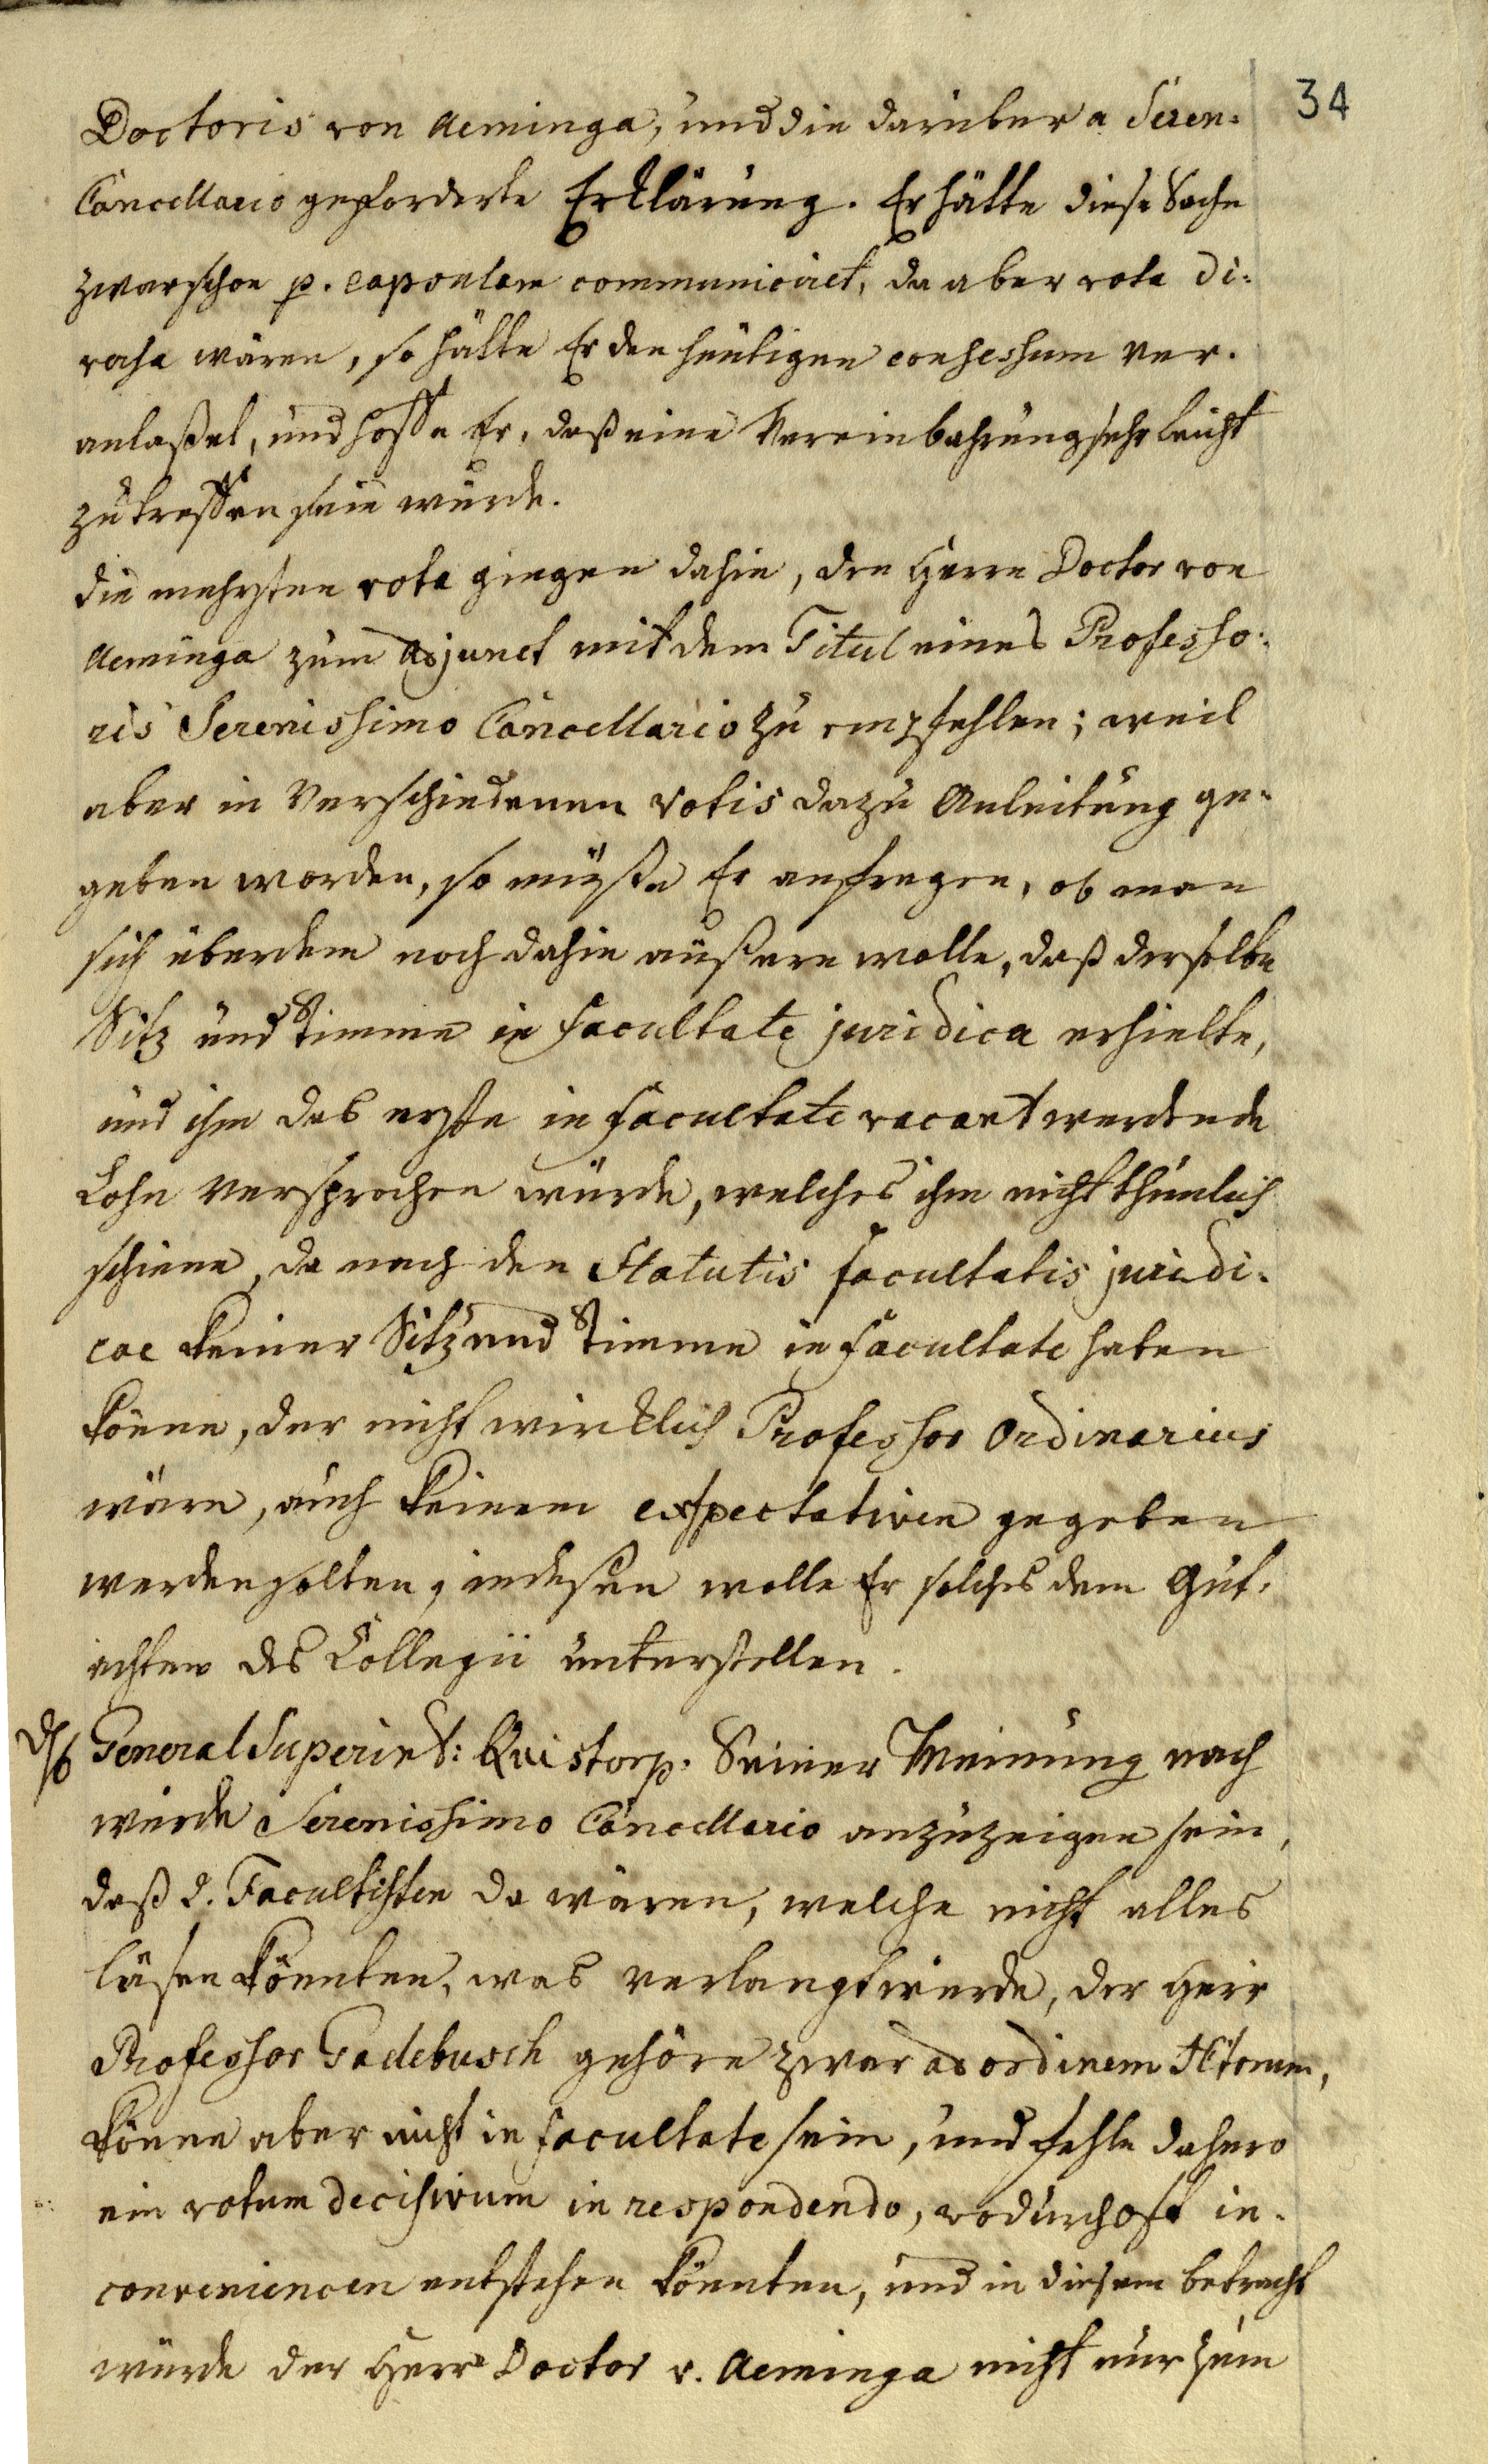Doctoris von Aeminga, und die darüber a Seren.
Cancellario geforderte Erklärung. Er hätte diese Sache
zwar schon p. capsulam communiciret, da aber vota di¬
versa wären, so hätte Er den heutigen consessum ver¬
anlaßet, und hoffe Er, daß eine Vereinbahrung sehr leicht
zu treffen sein würde.
Die mehrsten vota gingen dahin, den Herrn Doctor von
Aeminga zum Adjunct mit dem Titul eines Professo¬
ris Serenissimo Cancellario zu empfehlen; weil
aber in verschiedenen Votis dauz Anleitung ge¬
geben worden, so müste Er anfragen, ob man
sich überdem noch dahin äußern wolle, daß derselbe
Sitz und Stimme in Facultate juridica erhielte,
und ihm das erste in Facultate vacant werdende
Lohn versprochen würde, welches ihm nicht thunlich
scheine, da nach den Statutis facultatis juridi¬
cae keiner Sitz und Stimme in facultate haben
könne, der nicht wirklich Professor Ordinarius
wäre, auch keinem exspectativen gegeben
werden solten, indeßen wolte Er solches dem Gut¬
achter des Collegii unterstellen.
dh GeneralSuperint. Quistorp. Seiner Meinung nach
würde Serenissimo Cancellario anzuzeigen sein,
daß 2. Facultisten da wären, welche nicht alles
läsen könnten, was verlangt würde, der Herr
Professor Gadebusch gehöre zwar ad ordinem XXX
könne aber nicht in facultate sein, und fehle dahero
ein votum decisivum in respondendo, wodurch oft in¬
conveniencen entstehen könnten, und in diesem betracht
würde der Herr Doctor v. Aeminga nicht nur zum